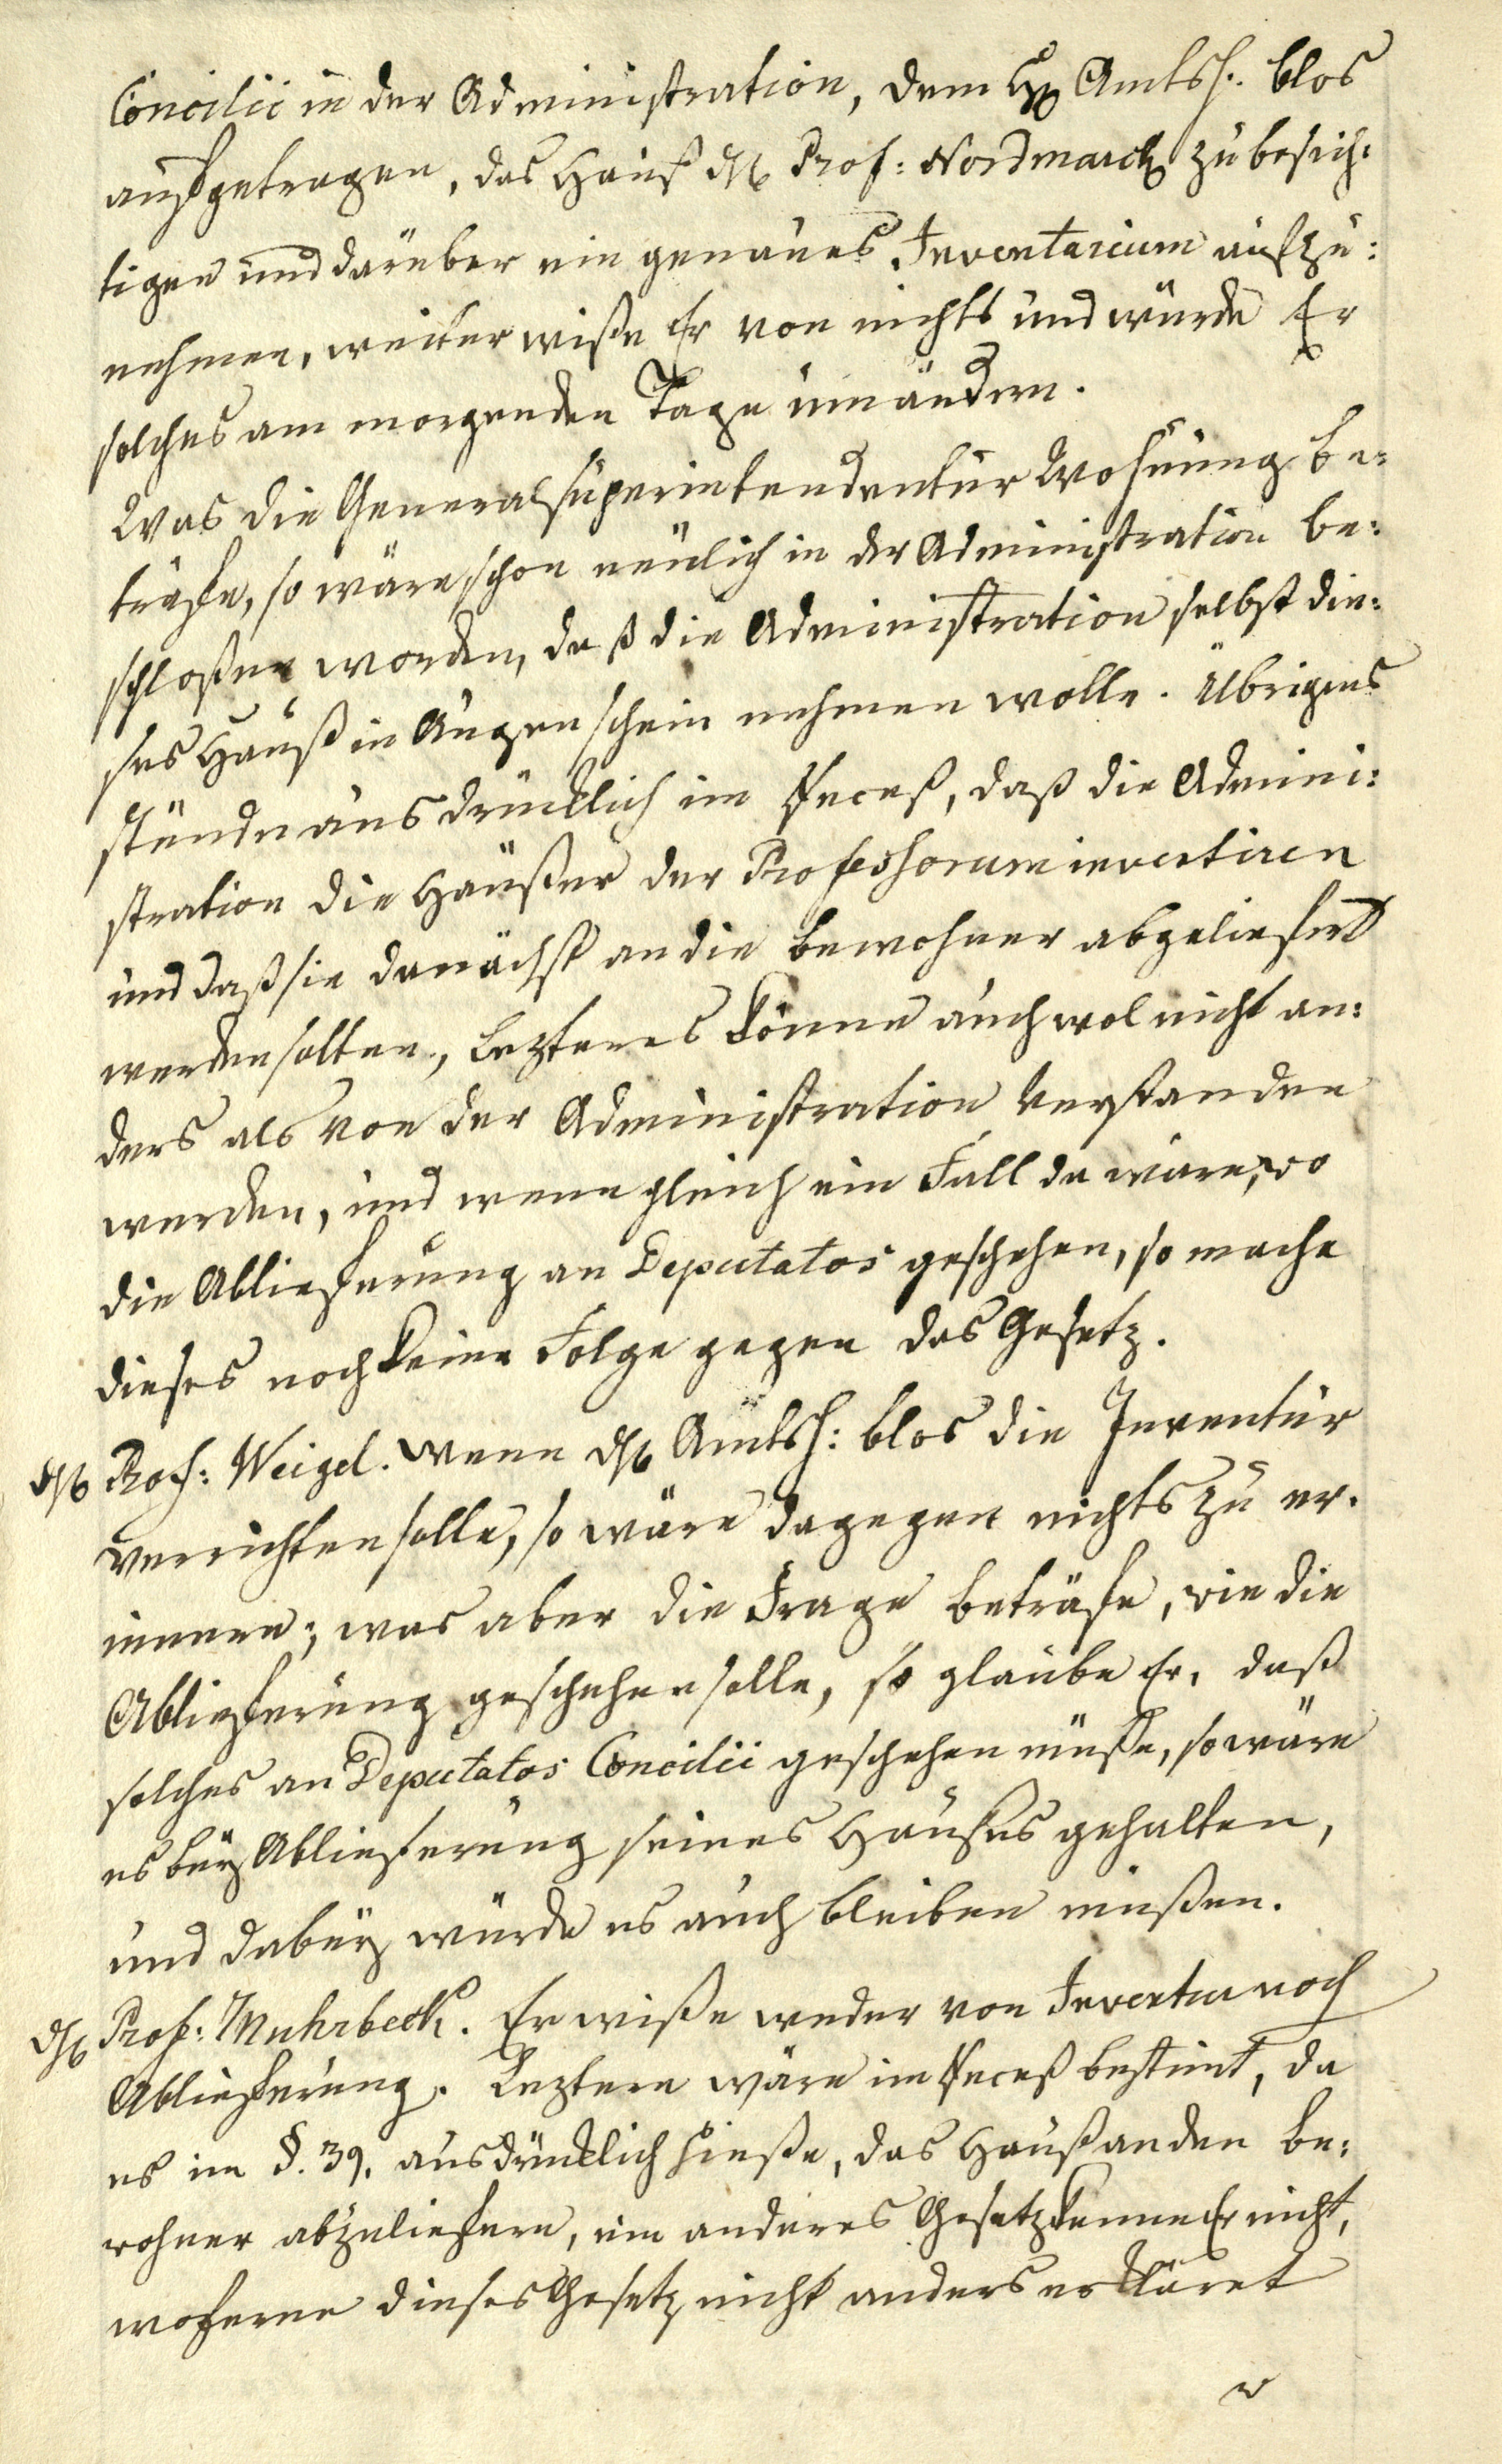Concilii in der Administration, dem H Amtsh. blos
aufgetragen, das Hauß dh Prof. Nordmarck. zu besich¬
tigen und darüber ein genannt Inventarium aufzu¬
nehmen, weiter wiße Er von nichts und würde Er
solches am morgenden Tage um ändern.
Was die GeneralSuperintendentur Wohnung be¬
träfe, so wäre schon neulich in der Administration be¬
schloßen worden, daß die Administration selbst die¬
ses Hauß in Augenschein nehmen wolle. Übrigens
stünde ausdrücklich im Receß, daß die Admini¬
stration die Häußer der Professorum inventiren
und daß sie danächst an die Bewohner abgeliefert
werden solten, lezteres könne auch wol nicht an¬
ders als von der Administration verstanden
werden, und wenn gleich ein Fall da wäre,wo
die Ablieferung an Deputatos geschehen, so mache
dieses noch keine Folge gegen das Gesetz.
dh Prof. Weigel wenn dh. Amtsh. blos die Inventur
verrichten solle, so wäre dagegen nichts zu er¬
innern; was aber die Frage beträfe, wie die
Ablieferung geschehen solle, so glaube Er, daß
solches an Deputatos Concilii geschehen müße, so wäre
es beÿ Ablieferung seines Haußes gehalten,
und dabeÿ würde es auch bleiben müßen.
dh Prof. Muhrbeck. Er wiße weder von Inventur noch
Ablieferung. Leztere wäre in Receß bestimt, da
es im §. 39. ausdrücklich hieße, das Hauß an den Be¬
wohner abzuliefern, ein anderes Gesetz kenne Er nicht,
woferne dieses Gesetz nicht anders erkläret
w